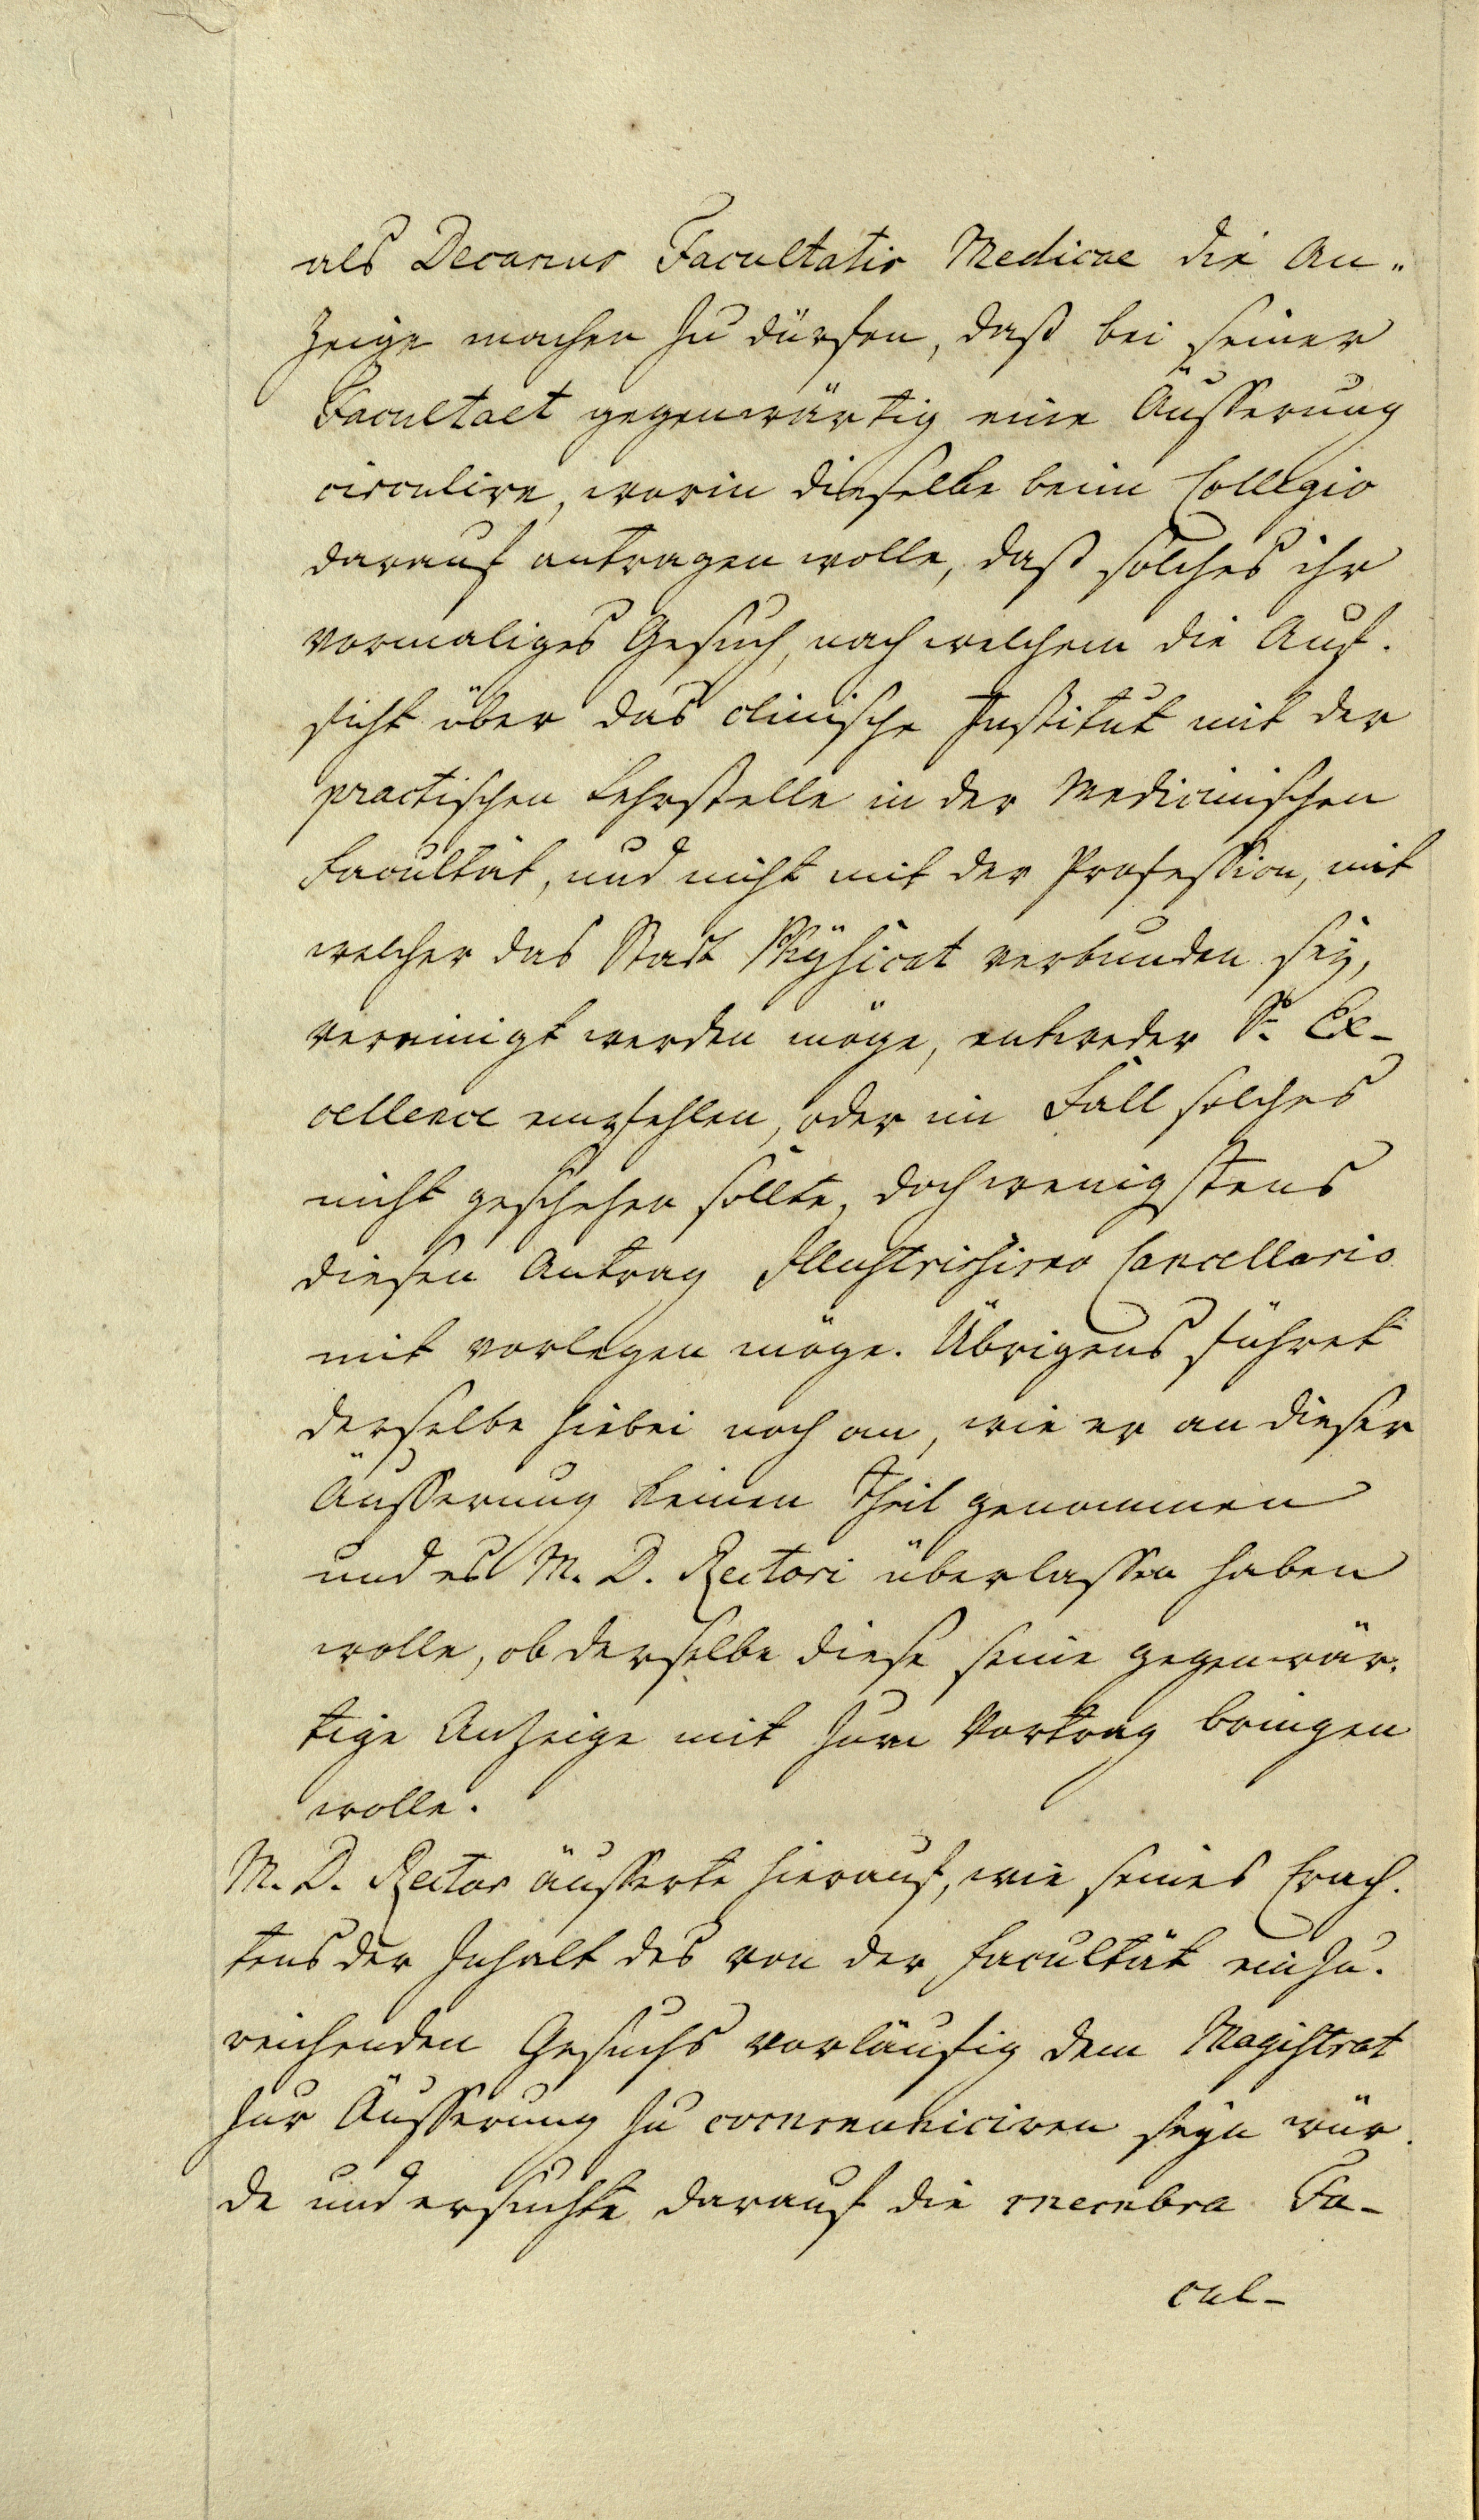als Decanus Facultatis Medicae die An¬
zeige machen zu dürfen, daß bei seiner
Facultaet gegenwärtig eine Äusserung
circulire, worin dieselbe beim Collegio
darauf antragen wolle, daß solches ihr
vormaliges Gesuch, nach welchem die Auf¬
sicht über das clinische Institut mit der
practischen Lehrstelle in der Medicinischen
Facultät, und nicht mit der Profession, mit
welcher das Stadt Phÿsicat verbunden seÿ,
vereinigt werden möge, entweder Sr Ex¬
cellence empfehlen, oder im Fall solches
nicht geschehen sollte, doch wenigstens
diesen Antrag Illustrissimo Cancellario
mit vorlegen möge. Übrigens führet
derselbe hiebei noch an, wie er an dieser
Äusserung keinen Theil genommen
und es M. D. Rectori überlassen haben
wolle, ob derselbe diese seine gegenwär¬
tige Anzeige mit zum Vortrag bringen
wolle.
M. D. Rector äusserte hierauf, wie seines Erach¬
tens der Inhalt des von der Facultät einzu¬
reichenden Gesuchs vorläufig dem Magistrat
zur Äusserung zu communiciren seÿn wür¬
de und ersuchte darauf die membra Fa¬
cul